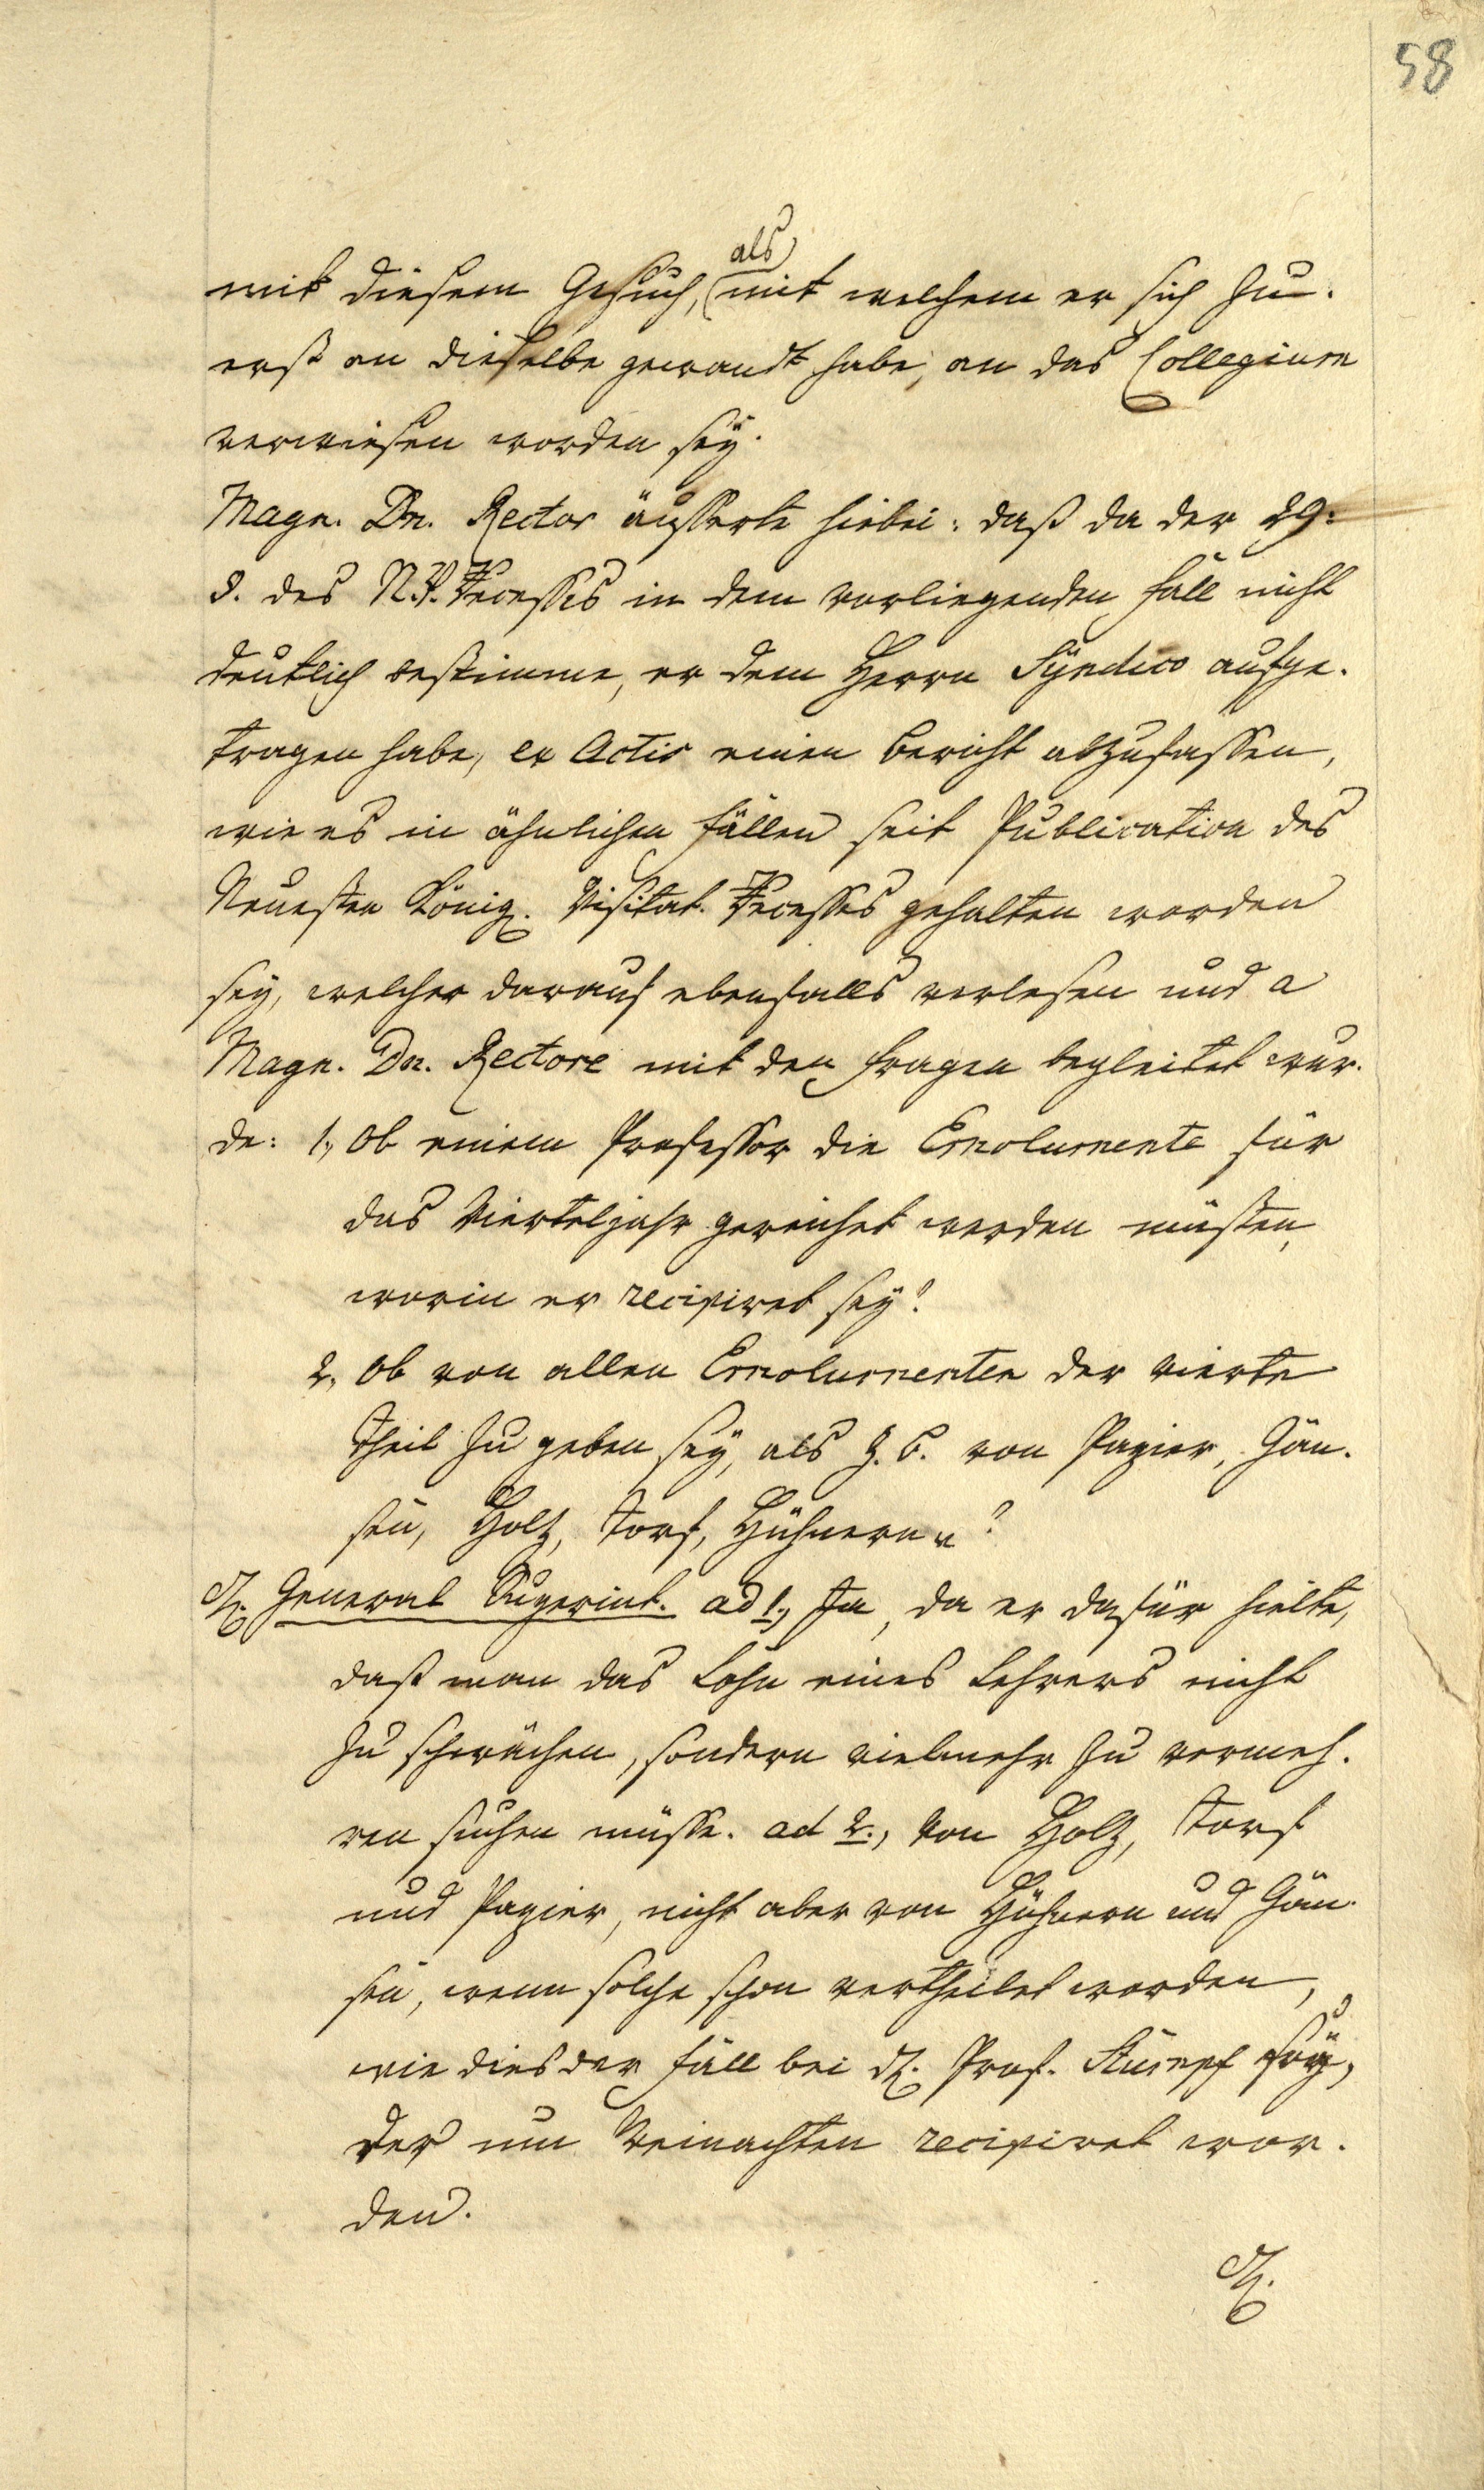mit diesem Gesuch, als mit welchem er sich zu¬
erst an dieselbe gewandt habe, an das Collegium
verwiesen worden seÿ.
Magn. Dn. Rector äusserte hiebei,: daß da der 29.
§. des N. V. Recesses in dem vorliegenden Fall nicht
deutlich bestimme, er dem Herrn Sÿndico aufge¬
tragen habe, ex Actis einen Bericht abzufassen,
wie es in ähnlichen Fällen seit Publication des
Neuesten Königl. Visitat. Recesses gehalten worden
seÿ, welcher darauf ebenfalls verlesen und a
Magn. Dn. Rectore mit den Fragen begleitet wur¬
de: 1., ob einem Professor die Emolumente für
das Vierteljahr gereichet werden müßten,
worin er recipiret sey?
2. Ob von allen Emolumenten der vierte
Theil zu geben seÿ, als z. B. von Papier, Gän¬
sen, Holz, Torf, Hühnern v?
dh. General Superint. ad 1, Ja, da er dafür hielte,
daß man das Lohn eines Lehrers nicht
zu schwächen, sondern vielmehr zu vermeh¬
ren suchen müsse. ad 2., von Holz, Torf
und Papier, nicht aber von Hühnern und Gän¬
sen, wenn solche schon vertheilet worden,
wie dies der Fall bei dh. Prof. Stumpf seÿ,
der um Weinachten recipiret wor¬
den.
dh.